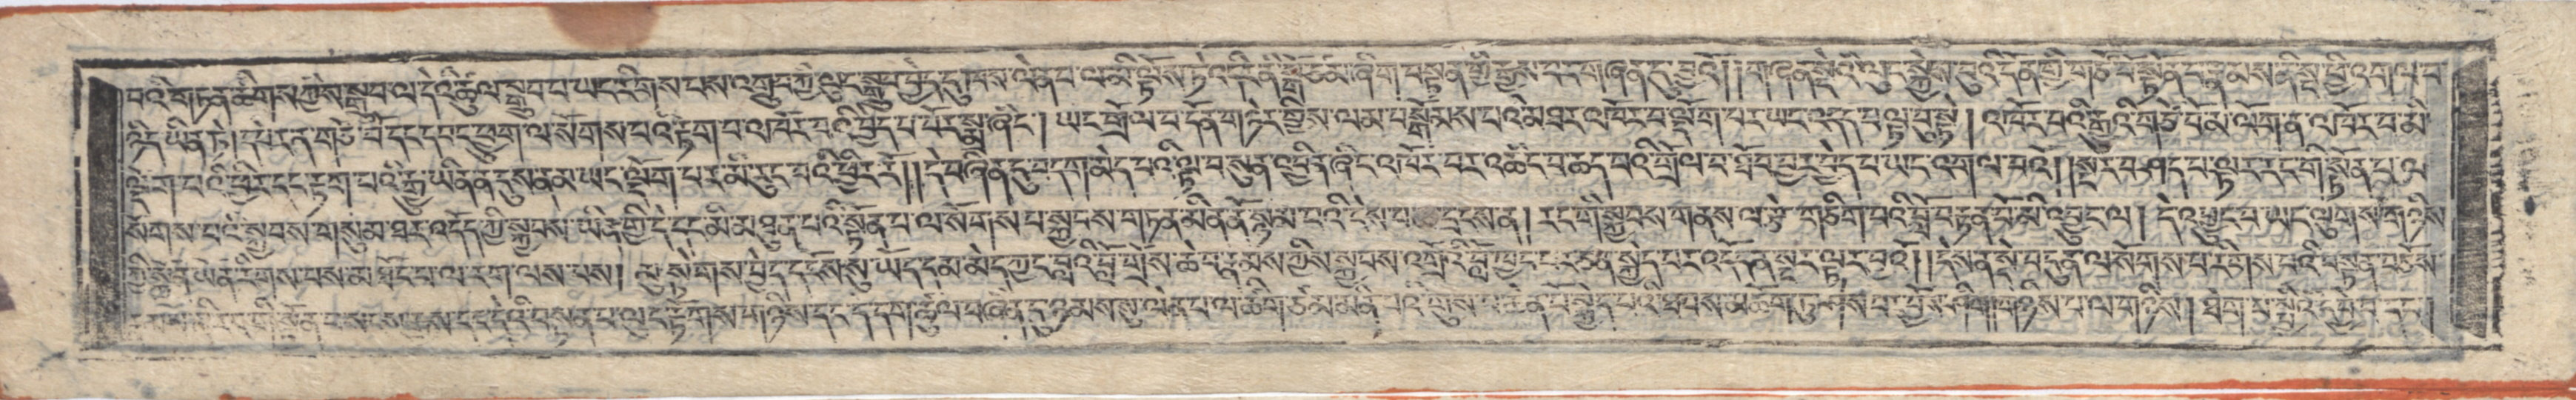བའི་གཏན་ཚིགས་ཀྱིས་སྒྲུབ་ལ་དེའི་ཚུལ་སྒྲུབ་པ་ཡང་རིགས་པས་འགྲུབ་ཀྱི་ལུང་སྒྲུབ་བྱེད་དུ་ཁས་ལེན་པ་ལ་མི་ལྟོས་ཏེ་འདིར་ནི་སྒོ་ཙམ་ཞིག་བསྟན་གྱི་རྒྱས་པར་གཞན་དུ་བྱའོ། །གཞན་སྡེའི་ལུང་སྐྱེས་བུའི་དོན་གྱི་གཙོ་བོ་སྟོན་པ་རྣམས་ནི་སྔ་ཕྱི་འགལ་བ་
ཉིད་ཡིན་ཏེ། དཔེར་ན་གཙོ་བོ་དང་དབང་ཕྱུག་ལ་སོགས་པའི་རྟག་པ་འཁོར་བའི་བྱེད་པ་པོར་སྨྲ་ཞིང་། ཡང་གྲོལ་བ་དོན་གཉེར་གྱིས་ལམ་བསྒོམས་པའི་མཐར་འཁོར་བ་ལྡོག་པར་ཡང་འདོད་པ་ལྟ་བུ་སྟེ། འཁོར་བའི་རྒྱུའི་གཙོ་བོ་མ་ལོག་ན་འཁོར་བ་མི་
ལྡོག་པའི་ཕྱིར་དང་རྟག་པའི་རྒྱུ་ཡིན་ན་དུས་ནམ་ཡང་ལྡོག་པར་མི་རུང་བའི་ཕྱིར་རོ། །དེ་བཞིན་དུ་བདག་མེད་པའི་ལྟ་བ་སུན་འབྱིན་ཞིང་འཁོར་བར་འཆིང་བ་ཆད་པའི་གྲོལ་བ་ཐོབ་བྱར་བྱེད་པ་ཡང་འགལ་བའོ། །སྔར་བཤད་པ་ལྟར་རང་གི་སྟོན་པ་ལ་
སོགས་པའི་སྐྱབས་གསུམ་ཐར་འདོད་ཀྱི་སྐྱབས་ཡིན་གྱི་དེ་དང་མི་མཐུན་པའི་སྟོན་པ་ལ་སོགས་པ་སྐྱབས་གཏན་མིན་ནོ་སྙམ་པའི་ངེས་པ་མ་དྲངས་ན། རང་གི་སྐྱབས་གནས་ལ་རྩེ་གཅིག་པའི་བློ་བརྟན་པོ་མི་འབྱུང་ལ། དེ་འབྱུང་བ་ཡང་ལུགས་གཉིས་
ཀྱི་སྐྱོན་ཡོན་རིགས་པས་མཐོང་པ་ལ་རག་ལས་པས། མུ་སྟེགས་བྱེད་དངོས་སུ་ཡོད་དམ་མེད་ཀྱང་བླའི་བློ་གྲོས་ཆེ་བ་རྣམས་ཀྱིས་སྐྱབས་འགྲོའི་བློ་ཁྱད་པར་ཅན་སྐྱེད་པར་འདོད་ན་སྔར་ལྟར་བྱའོ། །དེས་ན་སྡེ་བདུན་ལ་སོགས་པ་རིགས་པའི་བསྟན་བཅོས་
རྣམས་ནི་རང་གི་སྟོན་པ་སངས་རྒྱས་དང་དེའི་བསྟན་པ་ལུང་རྟོགས་གཉིས་དང་དེ་དག་ཚུལ་བཞིན་དུ་ཉམས་སུ་ལེན་པ་ལ་ཚིག་ཙམ་མིན་པའི་གུས་པ་ཆེན་པོ་སྐྱེད་པའི་ཐབས་མཆོག་ཏུ་ཤེས་པར་བྱོས་ཤིག །གཉིས་པ་ལ་གཉིས། ཐེག་པ་སྤྱིའི་དབྱེ་བ་དང་།